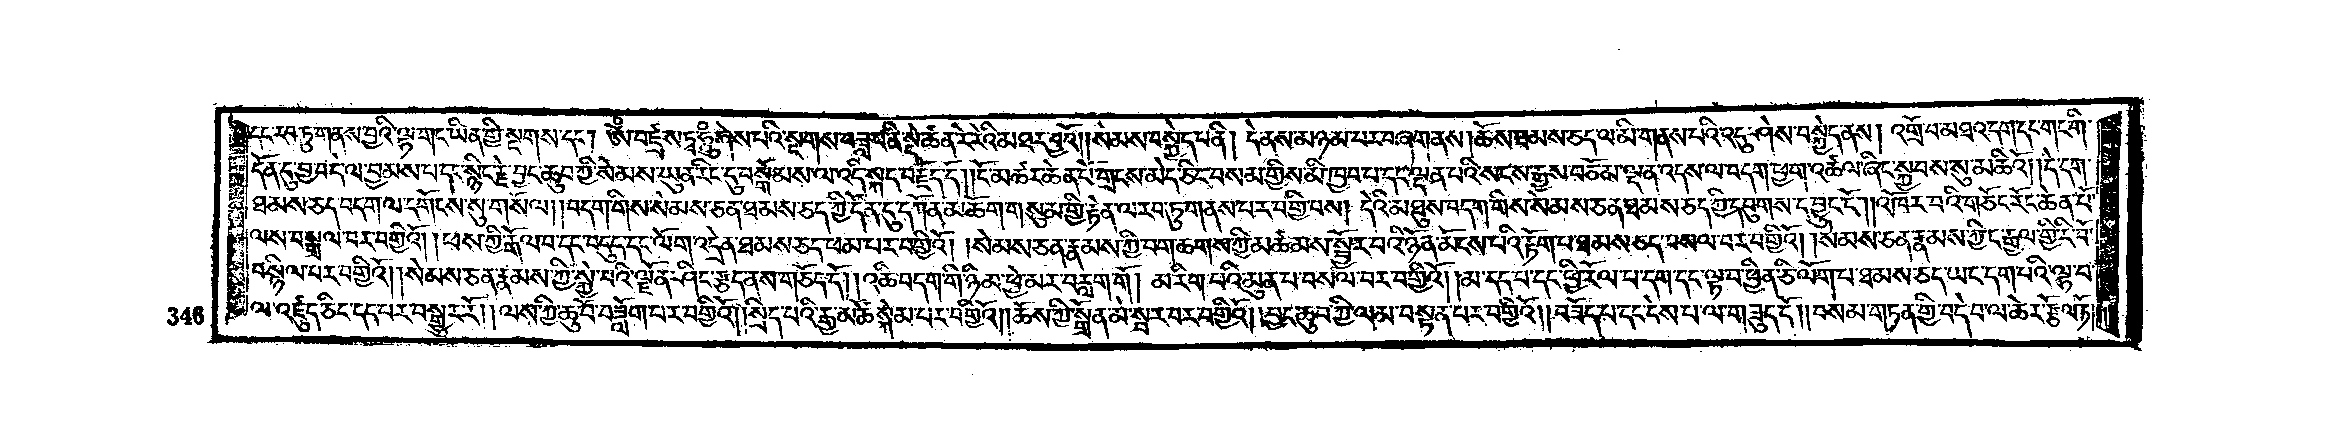དང་རབ་ཏུ་གནས་བྱའི་ལྷ་གང་ཡིན་གྱི་སྔགས་དང་། ཨོཾ་བཛྲ་སཏྭ་ཧཱུཾ་ཞེས་པའི་སྔགས་བཟླ་བ་ནི་སྡེ་ཚན་རེ་རེའི་མཐར་བྱའོ། །སེམས་བསྐྱེད་པ་ནི། དེ་ནས་མཉམ་པར་བཞག་ནས། ཆོས་ཐམས་ཅད་ལ་མི་གནས་པའི་འདུ་ཤེས་བསྐྱེད་ནས། འགྲོ་བ་མཐའ་དག་དང་གང་གི་
དོན་དུ་བྱ་བ་དེ་ལ་བྱམས་པ་དང་སྙིང་རྗེ་བྱང་ཆུབ་ཀྱི་སེམས་ཡུན་རིང་དུ་བསྒོམས་ལ་འདི་སྐད་བརྗོད་དོ། །ངོ་མཚར་ཆེན་པོ་གྲངས་མེད་ཅིང་བསམ་གྱིས་མི་ཁྱབ་པ་དང་ལྡན་པའི་སངས་རྒྱས་བཅོམ་ལྡན་འདས་ལ་བདག་ཕྱག་འཚལ་ཞིང་སྐྱབས་སུ་མཆིའོ། །དེ་དག་
ཐམས་ཅད་བདག་ལ་དགོངས་སུ་གསོལ། །བདག་གིས་སེམས་ཅན་ཐམས་ཅད་ཀྱི་དོན་དུ་དཀོན་མཆོག་གསུམ་གྱི་རྟེན་ལ་རབ་ཏུ་གནས་པར་བགྱི་བས། དེའི་མཐུས་བདག་གིས་སེམས་ཅན་ཐམས་ཅད་ཀྱི་དབུགས་དབྱུང་ངོ། །འཁོར་བའི་གཅོང་རོང་ཆེན་པོ་
ལས་བསྒྲེལ་བར་བགྱིའོ། །ཕས་ཀྱི་རྒོལ་བ་དང་བདུད་དང་ལོག་འདྲེན་ཐམས་ཅད་ཕམ་པར་བགྱིའོ། །སེམས་ཅན་རྣམས་ཀྱི་བག་ཆགས་ཀྱི་མཚམས་སྦྱོར་བའི་ཉོན་མོངས་པའི་རྟོག་པ་ཐམས་ཅད་བསལ་བར་བགྱིའོ། །སེམས་ཅན་རྣམས་ཀྱི་ང་རྒྱལ་གྱི་རི་བོ་
བསྙིལ་པར་བགྱིའོ། །སེམས་ཅན་རྣམས་ཀྱི་སྐྱེ་བའི་ལྗོན་ཤིང་རྩད་ནས་གཅོད་དོ། །འཆི་བདག་གི་ཉི་མ་ཕྱེ་མར་བརླག་གོ །མ་རིག་པའི་མུན་པ་བསལ་བར་བགྱིའོ། །མ་དད་པ་དང་ཕྱི་རོལ་པ་དག་དང་ལྟ་བ་ཕྱིན་ཅི་ལོག་པ་ཐམས་ཅད་ཡང་དག་པའི་ལྟ་བ་
ལ་འཛུད་ཅིང་དད་པར་བསྒྱུར་རོ། །ལས་ཀྱི་ཆུ་བོ་བཟློག་པར་བགྱིའོ། །སྲིད་པའི་རྒྱ་མཚོ་སྐེམ་པར་བགྱིའོ། །ཆོས་ཀྱི་སྒྲོན་མེ་སྦར་བར་བགྱིའོ། །བྱང་ཆུབ་ཀྱི་ལམ་བསྟན་པར་བགྱིའོ། །བཟོད་པ་དང་ངེས་པ་ལ་གཟུད་དོ། །བསམ་གཏན་གྱི་བདེ་བ་ལ་ཆེར་རྩོལ་ཏོ།